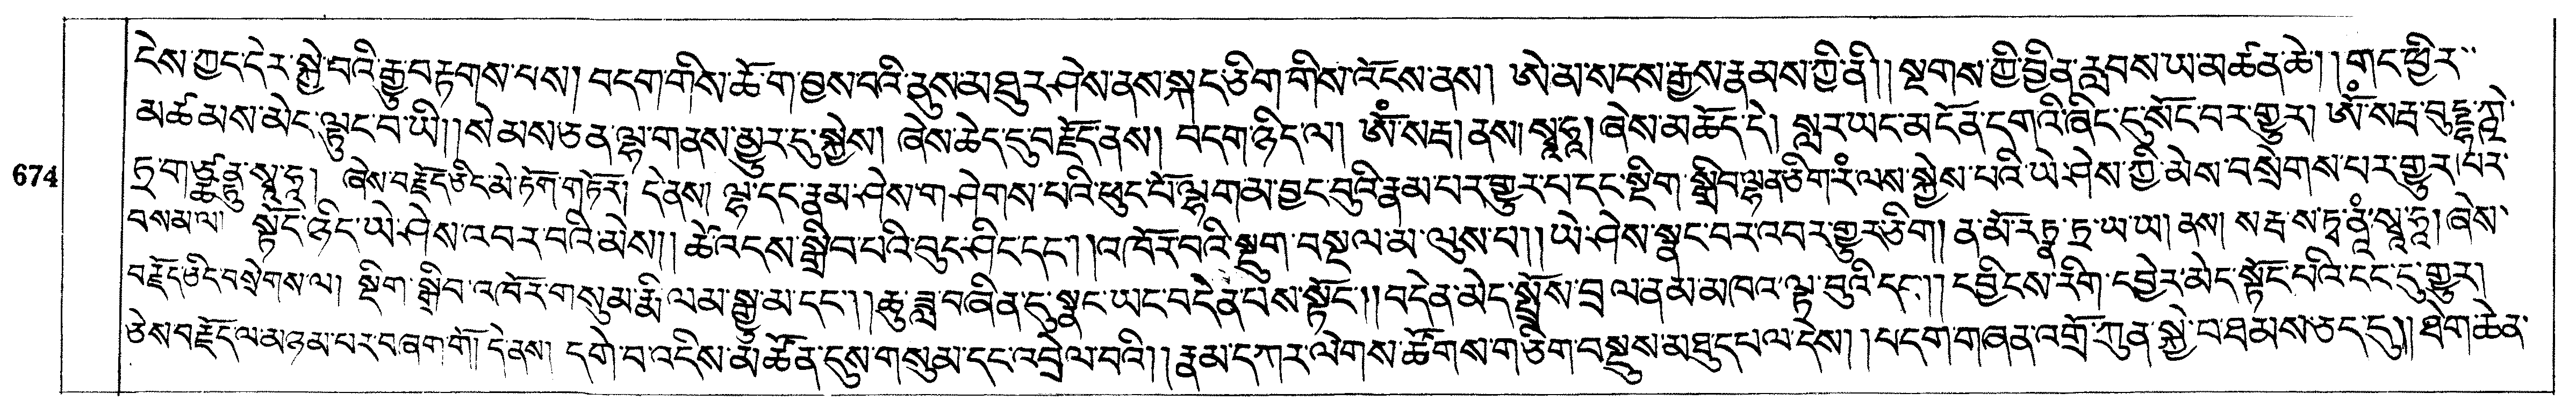ངེས་ཀྱང་དེར་སྐྱེ་བའི་རྒྱུ་བརྟགས་པས། བདག་གིས་ཆོ་ག་བྱས་བའི་ནུས་མཐུར་ཤེས་ནས་སྐད་ཅིག་གིས་འོངས་ནས། ཨེ་མ་སངས་རྒྱས་རྣམས་ཀྱི་ནི། །སྔགས་ཀྱི་བྱིན་རླབས་ཡ་མཚན་ཆེ། །གང་ཕྱིར་
མཚམས་མེད་ལྟུང་བ་ཡི། །སེམས་ཅན་ལྷ་གནས་མྱུར་དུ་སྐྱེས། ཞེས་ཆེད་དུ་བརྗོད་ནས། བདག་ཉིད་ལ། ཨོཾ་སརྦ། ནས། སྭཱ་ཧཱ། ཞེ་མཆོད་དེ། སླར་ཡང་མངོན་དགའི་ཞིང་དུ་སོང་བར་གྱུར། ཨོཾ་སརྦ་བུདྡྷ་ཀྵེ་
ཏྲ་གཙྪནྟུ་སྭཱ་ཧཱ། ཞེས་བརྗོད་ཅིང་མེ་ཏོག་གཏོར། དེ་ནས། ལྷ་དང་རྣམ་ཤེས་གཤེགས་པའི་ཕུང་པོ་ལྷག་མ་བྱང་བུའི་རྣམ་པར་གྱུར་པ་དང་སྡིག་སྒྲིབ་ལྷན་ཅིག་རཾ་ལས་སྐྱེས་པའི་ཡེ་ཤེས་ཀྱི་མེས་བསྲེགས་པར་གྱུར། པར་
བསམ་ལ། སྟོང་ཉིད་ཡེ་ཤེས་འབར་བའི་མེས། །ཚེ་འདས་སྒྲིབ་པའི་བུང་ཤིང་དང་། །འཁོར་བའི་སྡུག་བསྔལ་མ་ལུས་པ། །ཡེ་ཤེས་སྣང་བར་འབར་གྱུར་ཅིག །ན་མོ་རཏྣ་ཏྲ་ཡ་ཡ། ནས། སྲྦ་ས་ཏྭ་ནཱཾ་སྭཱ་ཧཱ། ཞེས་
བརྗོད་ཅིང་བསྲེགས་ལ། སྡིག་སྒྲིབ་འཁོར་གསུམ་རྨི་ལམ་སྒྱུ་མ་དང་། །ཆུ་ཟླ་བཞིན་དུ་སྣང་ཡང་བདེན་པས་སྟོང་། །བདེན་མེད་སྤྲོས་བྲལ་ནམ་མཁའ་ལྟ་བུའི་དང་། །དབྱིངས་རིག་དབྱེར་མེད་སྟོང་པའི་ངང་དུ་གྱུར།
ཅེས་བརྗོད་ལ་མཉམ་པར་བཞག་གོ། དེ་ནས། དགེ་བ་འདིས་མཚོན་དུས་གསུམ་དང་འབྲེལ་བའི། །རྣམ་དཀར་ལེགས་ཚོགས་གཅིག་བསྡུས་མཐུ་དཔལ་དེས། །བདག་གཞན་འགྲོ་ཀུན་སྐྱེ་བ་ཐམས་ཅད་དུ། །ཐེག་ཆེན་